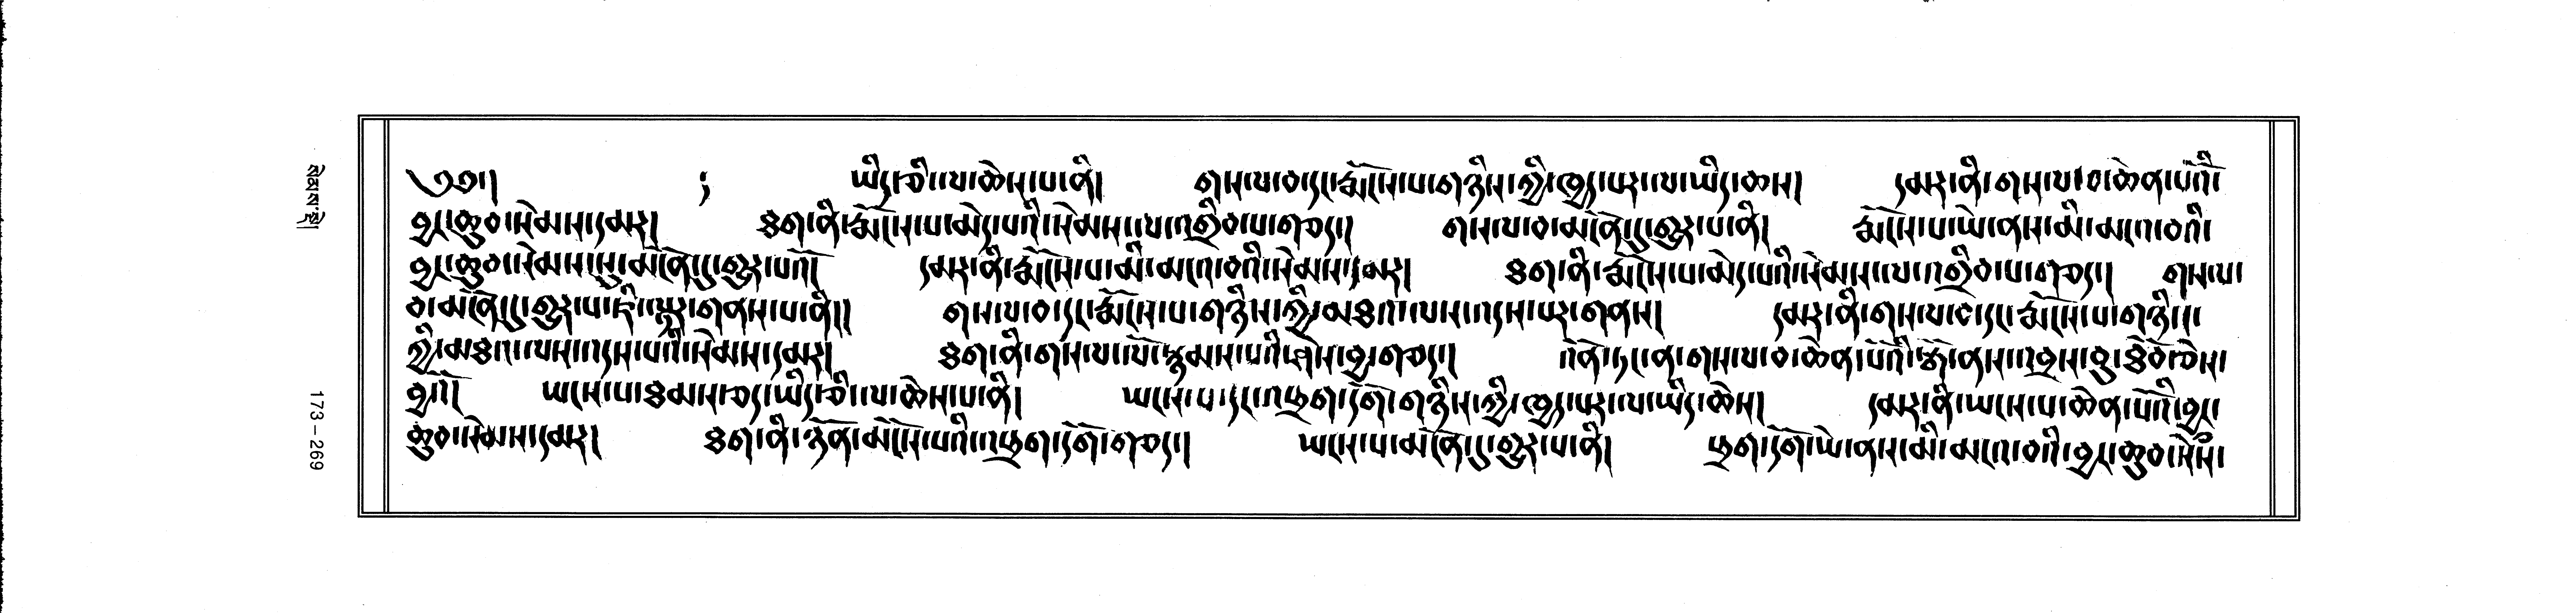ཡིད་ཅི་ལ་ཆེས་པ་ནི། གསལ་བ་དང་རྨོངས་པ་གཉིས་ཀྱི་ཁྱད་པར་ལ་ཡིད་ཆེས། དམར་ནི་གསལ་བ་ཆེན་པོའི་
བྱང་ཆུབ་སེམས་དམར། ཐག་ནི་རྨོངས་པ་མེད་པའི་སེམས་ལ་འགྲིབ་པ་གཅད། གསལ་བ་མངོན་དུ་གྱུར་པ་ནི། རྨོངས་པ་ཡེ་ནས་མི་མངའ་བའི་
བྱང་ཆུབ་སེམས་སུ་མངོན་དུ་གྱུར་པའོ། །དམར་ནི་རྨོངས་པ་མི་མངའ་བའི་སེམས་དམར། ཐག་ནི་རྨོངས་པ་མེད་པའི་སེམས་ལ་འགྲིབ་པ་གཅད། གསལ་
བ་མངོན་དུ་གྱུར་པ་ཇི་ལྟར་གནས་པ་ནི། གསལ་བ་དང་རྨོངས་པ་གཉིས་ཀྱི་མཐའ་ལས་འདས་པར་གནས། དམར་ནི་གསལ་བ་དང་རྨོངས་པ་གཉིས་
ཀྱི་མཐའ་ལས་འདས་པའི་སེམས་དམར། ཐག་ནི་གསལ་ལོ་སྙམ་པའི་ཤེས་བྱ་གཅད། འོན་ཏང་ན་གསལ་བ་ཆེན་པོའི་སྒོ་ནས་འབྲས་བུ་ཐོབ་ཅེས་
བྱའོ། །ཡངས་པ་ཐམས་ཅད་ཡིད་ཅི་ལ་ཆེས་པ་ནི། ཡངས་པ་དང་ཕྲག་དོག་ཁྱད་པར་ལ་ཡིད་ཆེས། དམར་ནི་ཡངས་པ་ཆེན་པོའི་བྱང་
ཆུབ་སེམས་དམར། ཐག་ནི་ཉོན་མོངས་པའི་ཕྲག་དོག་གཅད། ཡངས་པ་མངོན་དུ་གྱུར་པ་ནི། ཕྲག་དོག་ཡེ་ནས་མི་མངའ་བའི་བྱང་ཆུབ་སེམས་